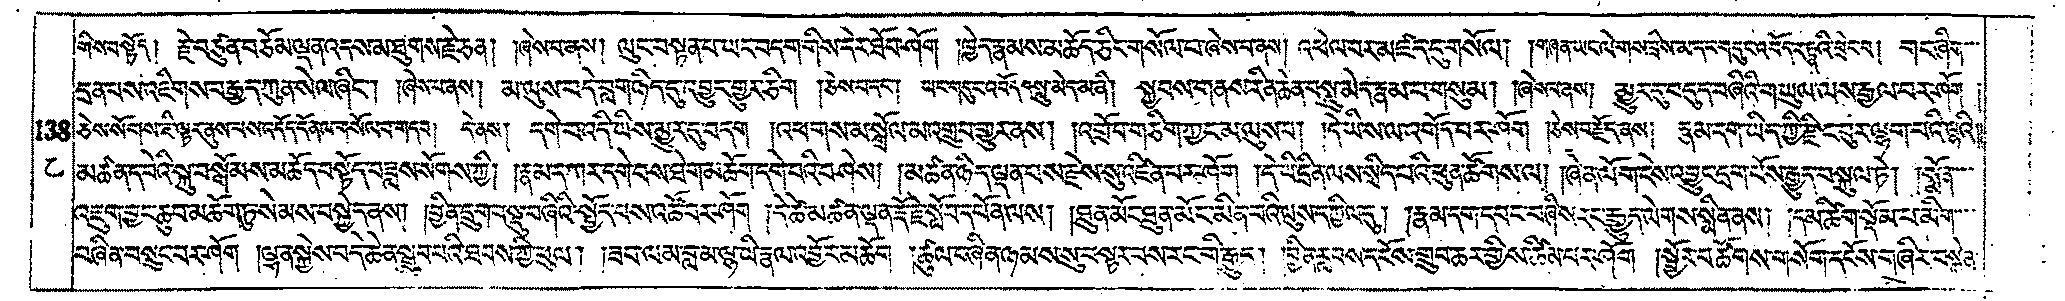གིས་བསྟོད། རྗེ་བཙུན་བཅོམ་ལྡན་འདས་མ་ཐུགས་རྗེ་ཅན། །ཞེས་པ་ནས།  ལུང་བསྟན་པ་ཡང་བདག་གིས་དེར་ཐོབ་ཤོག །ཁྱེད་རྣམས་མཆོད་ཅིང་གསོལ་བ་ཞེས་པ་ནས།  འཕེལ་བར་མཛད་དུ་གསོ། །གཞན་ཡང་ལེགས་བྲིས་མ་དང་གདུང་འབོད་རཏྣའི་ཕྲེང་བ། གང་ཞིག་་་
དྲན་པས་འཇིགས་བརྒྱད་ཀུན་སེལ་ཞིང་། །ཞེས་པ་ནས།  མ་ལུས་བདེ་བླག་ཉིད་དུ་འབྱུང་གྱུར་ཅིག་།ཅེས་པ་དང་། ཡང་གདུང་འབོད་བསླུ་མེད་མ་ནི།  སྐྱབས་གནས་རིན་ཆེན་བསླུ་མེད་རྣམ་པ་གསུམ། །ཞེས་པ་ནས།  མྱུར་དུ་བདུད་བཞིའི་གཡུལ་ལས་རྒྱལ་བར་ཤོག །
ཅེས་སོགས་ཇི་ལྟར་ནུས་པས་འདོད་དོན་ལ་གསོལ་བ་གདབ། དེ་ནས།  དགེ་བ་འདི་ཡིས་མྱུར་དུ་བདག །འཕགས་མ་སྒྲོལ་མ་འགྲུབ་གྱུར་ནས། །འགྲོ་བ་གཅིག་ཀྱང་མ་ལུས་པ། །དེ་ཡི་ས་ལ་འགོད་པར་ཤོག་།ཅེས་བརྗོད་ནས།  རྣམ་དག་ཡིད་ཀྱི་རྫིང་བུར་ལྷག་པའི་ལྷའི།།
མཚན་དཔེའི་སྐུ་བསྒོམས་མཆོད་བསྟོད་བཟླས་སོགས་ཀྱི། །རྣམ་དཀར་དགེ་བས་ཐེག་མཆོག་དགེ་བའི་བཤེས། །མཚན་ཉིད་ལྡན་པས་རྗེས་སུ་འཛིན་པར་ཤོག །དེ་ཡི་དྲིན་ལས་སྲིད་པའི་ཕུན་ཚོགས་ལ། །ཞེན་ལོག་ངེས་འབྱུང་དྲག་པོས་རྒྱུད་བསྐུལ་ཏེ། །སྨོན་་་
འཇུག་བྱང་ཆུབ་མཆོག་ཏུ་སེམས་བསྐྱེད་ནས། །ཕྱིན་དྲུག་བསྡུ་བཞིའི་སྤྱོད་པས་འཚོ་བར་ཤོག །དེ་ཚེ་མཚན་ལྡན་རྡོ་རྗེ་སློབ་དཔོན་ལས། །ཐུན་མོང་ཐུན་མོང་མིན་པའི་ལུས་དཀྱིལ་དུ། །རྣམ་དག་དབང་བཞིས་རང་རྒྱུད་ལེགས་སྨིན་ནས། །དམ་ཚིག་སྡོམ་པ་མིག་་་
བཞིན་བསྲུང་བར་ཤོག །ལྷན་སྐྱེས་བདེ་ཆེན་སྒྲུབ་པའི་ཐབས་ཀྱི་ཕུལ། །ཟབ་ལམ་བླ་མ་ལྷ་ཡི་རྣལ་འབྱོར་མཆོག །ཚུལ་བཞིན་ཉམས་སུ་བསྟར་བས་རང་གི་རྒྱུད། །བྱིན་རླབས་དངོས་གྲུབ་ཆར་གྱིས་ཚིམ་པར་ཤོག །སྦྱོར་བ་ཚོགས་གསོག་དངོས་གཞིར་བསྙེན་